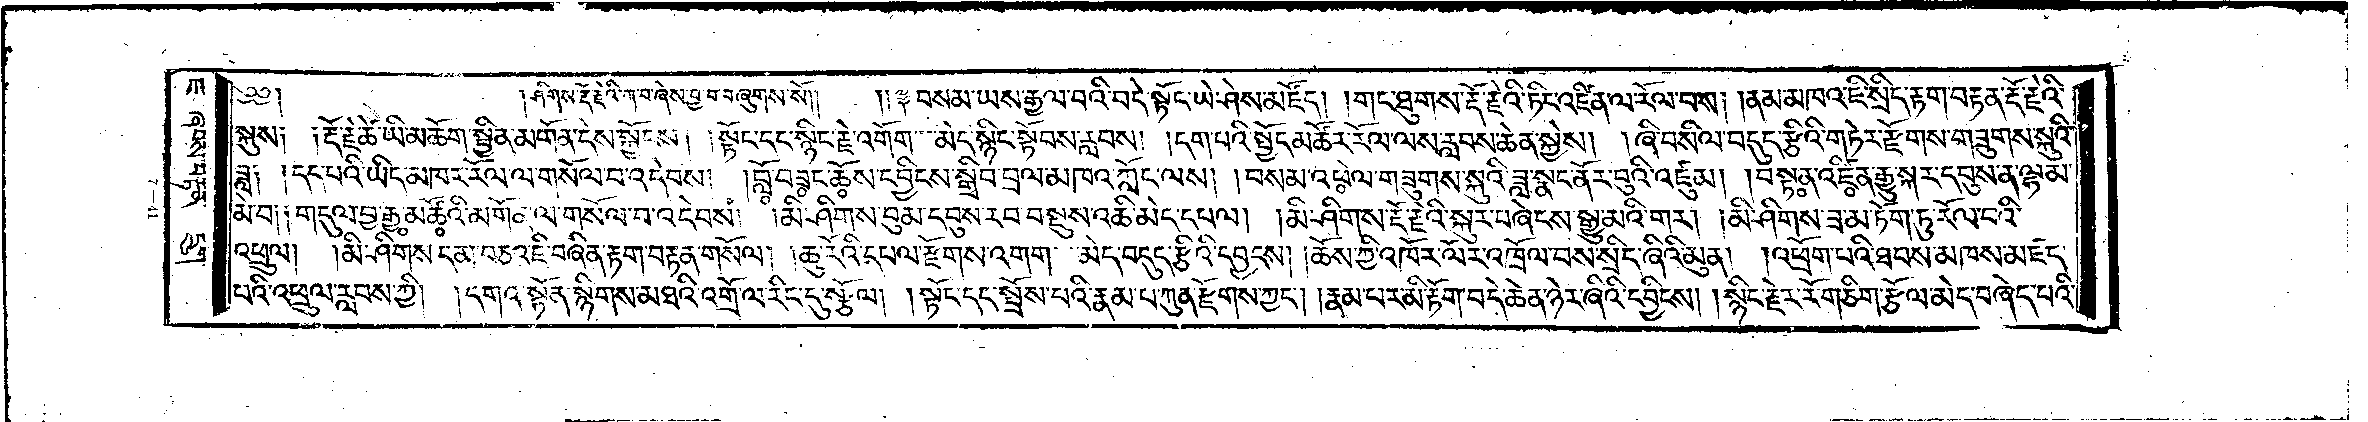༄༅། །ཤིགས་རྡོ་རྗེའི་ཀ་བ་ཞེས་བྱ་བ་བཞུགས་སོ།།  །། ༈ བསམ་ཡས་རྒྱལ་བའི་བདེ་སྟོང་ཡེ་ཤེས་མཛོད། །གང་ཐུགས་རྡོ་རྗེའི་ཏིང་འཛིན་ལ་རོལ་བས། །ནམ་མཁའ་ཇི་སྲིད་རྟག་བརྟན་རྡོ་རྗེའི་
སྐུས༑ ༑རྡོ་རྗེ་ཚེ་ཡི་མཆོག་སྦྱིན་མགོན་དེས་སྐྱོངས། །སྟོང་དང་སྙིང་རྗེ་འགོག་མེད་སྙིང་སྟོབས་རླབས། །དག་པའི་སྤྱོད་མཚོར་རོལ་ལས་རླབས་ཆེན་སྐྱེས། །ཞི་བསིལ་བདུད་རྩིའི་གཏེར་རྫོགས་གཟུགས་སྐུའི་
ཟླ༑ ༑དད་པའི་ཡིད་མཁར་རོལ་ལ་གསོལ་བ་འདེབས། །བློ་བཟང་ཆོས་དབྱིངས་སྒྲིབ་བྲལ་མཁའ་ཀློང་ལས། །བསམ་འཕེལ་གཟུགས་སྐུའི་ཟླ་སྣང་ནོར་བུའི་འཛུམ། །བསྟན་འཛིན་རྒྱུ་སྐར་དབུས་ན་ལྷ་མ་
མེ་བ། །གདུལ་བྱ་རྒྱ་མཚོའི་མགོན་ལ་གསོལ་བ་འདེབས། །མི་ཤིགས་བུམ་དབུས་རབ་བསྡུས་འཆི་མེད་དཔལ། །མི་ཤིགས་རྡོ་རྗེའི་སྐུར་བཞེངས་སྒྱུ་མའི་གར། །མི་ཤིགས་ཟ་མ་ཏོག་ཏུ་རོལ་བའི་
འཕྲུལ། །མི་ཤིགས་དམ་བཅའ་ཇི་བཞིན་རྟག་བརྟན་གསོལ། །ཆུ་རོའི་དཔལ་རྫོགས་འགག་མེད་བདུད་རྩིའི་དབྱངས། །ཆོས་ཀྱི་འཁོར་ལོར་འཁྲོལ་བས་སྲིད་ཞིའི་མུན། །འཕྲོག་པའི་ཐབས་མཁས་མཛད་
པའི་འཕྲུལ་རླབས་ཀྱི། །དགའ་སྟོན་སྙིགས་མཐའི་འགྲོལ་རིང་དུ་སྩོལ། །སྟོང་དང་སྤྲོས་པའི་རྣམ་པ་ཀུན་རྫོགས་ཀྱང་། །རྣམ་པར་མི་རྟོག་བདེ་ཆེན་ཉེར་ཞིའི་དབྱིངས། །སྙིང་རྗེར་རོ་གཅིག་རྩོལ་མེད་བཞེད་པའི་